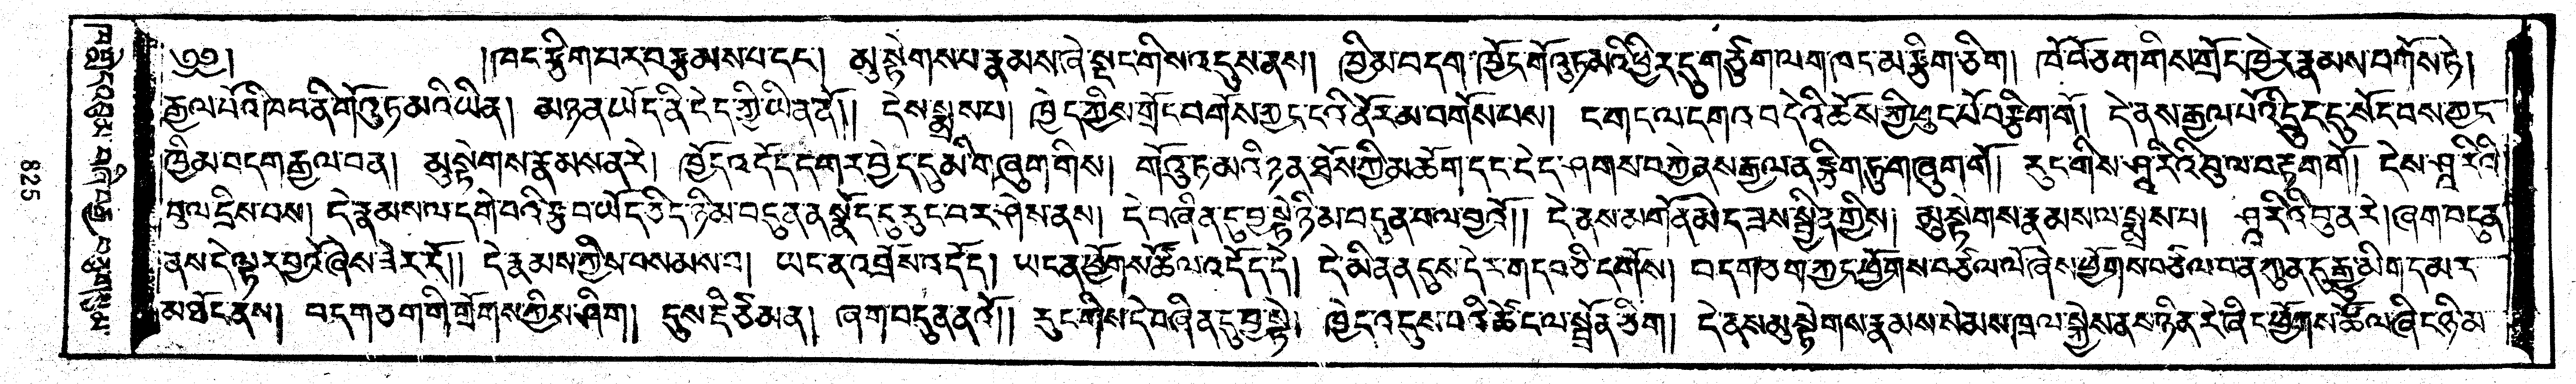༄༅། །ཁང་རྩིག་པར་བརྩམས་པ་དང་། མུ་སྟེགས་པ་རྣམས་ཞེ་སྡང་གིས་འདུས་ནས། ཁྱིམ་བདག་ཁྱོད་གོའུཏ་མའི་ཕྱིར་དུ་གཙུག་ལག་ཁང་མ་རྩིག་ཅིག། ཁོ་བོ་ཅག་གིས་གྲོང་ཁྱེར་རྣམས་བགོས་ཏེ།
རྒྱལ་པོའི་ཁབ་ནི་གོའུ་ཏ་མའི་ཡིན། མཉན་ཡོད་ནི་ངེད་ཀྱི་ཡིན་ནོ།། དེས་སྨྲས་པ། ཁྱེད་ཀྱིས་གྲོང་བགོས་ཀྱང་ངའི་ནོར་མ་བགོས་པས། ང་གང་ལ་དགའ་བདེའི་ཆོས་ཀྱི་ཕུང་པོ་བརྩིག་གོ། དེ་ནས་རྒྱལ་པོའི་དྲུང་དུ་སོང་བས་ཀྱང་
ཁྱིམ་བདག་རྒྱལ་བན། མུ་སྟེགས་རྣམས་ན་རེ། ཁྱོད་འདོད་དགར་བྱེད་དུ་མི་གཞུག་གིས། གོའུ་ཏ་མའི་ཉན་ཐོས་ཀྱི་མཆོག་དང་ངེད་ཤགས་བཀྱེ་ནས་རྒྱལ་ན་རྩིག་ཏུ་གཞུག་གོ། རུང་གིས་ཤཱ་རིའི་བུ་ལ་བརྟག་གོ། དེས་ཤཱ་རིའི་
བུ་ལ་དྲིས་པས། དེ་རྣམས་ལ་དགེ་བའི་རྩབ་ཡོད་ཅིད་ཉི་མ་བདུན་ན་སྣོད་དུ་རུང་བར་ཤེས་ནས། དེ་བཞིན་དུ་བྱ་སྟེ་ཉི་མ་བདུན་བ་ལ་བྱའོ།། དེ་ནས་མགོན་མེད་ཟས་སྦྱིན་གྱིས། མུ་སྟེགས་རྣམས་ལ་སྨྲས་པ། ཤཱ་རིའི་བུ་ན་རེ། ཞག་བདུན་
ནས་དེ་ལྟར་བྱའོ་ཞེས་ཟེར་རོ།། དེ་རྣམས་ཀྱིས་བསམས་པ། ཡང་ན་འབྲོས་འདོད། ཡང་ན་ཕྱོགས་ཚོལ་འདོད་དེ། དེ་མིན་ན་དུས་དེར་གདབ་ཅི་དགོས། བདག་ཅག་ཀྱང་ཕྱོགས་བཙལ་ལོ་ཞེས་ཕྱོགས་བཙལ་བ་ན་ཀུན་དུ་རྒྱུ་མིག་དམར་
མཐོང་ནས། བདག་ཅག་གི་གྲོགས་ཀྱིས་ཤིག། དུས་ཇི་ཙམ་ན། ཞག་བདུན་ནའོ།། རུང་གིས་དེ་བཞིན་དུ་བྱ་སྟེ། ཁྱེད་འདུས་བའི་ཚེ་ང་ལ་སྦྲོན་ཅིག། དེ་ནས་མུ་སྟེགས་རྣམས་སེམས་ཁྲལ་སྐྱེས་ནས་ཉིན་རེ་ཞིང་ཕྱོགས་ཚོལ་ཞིང་ཉི་མ་